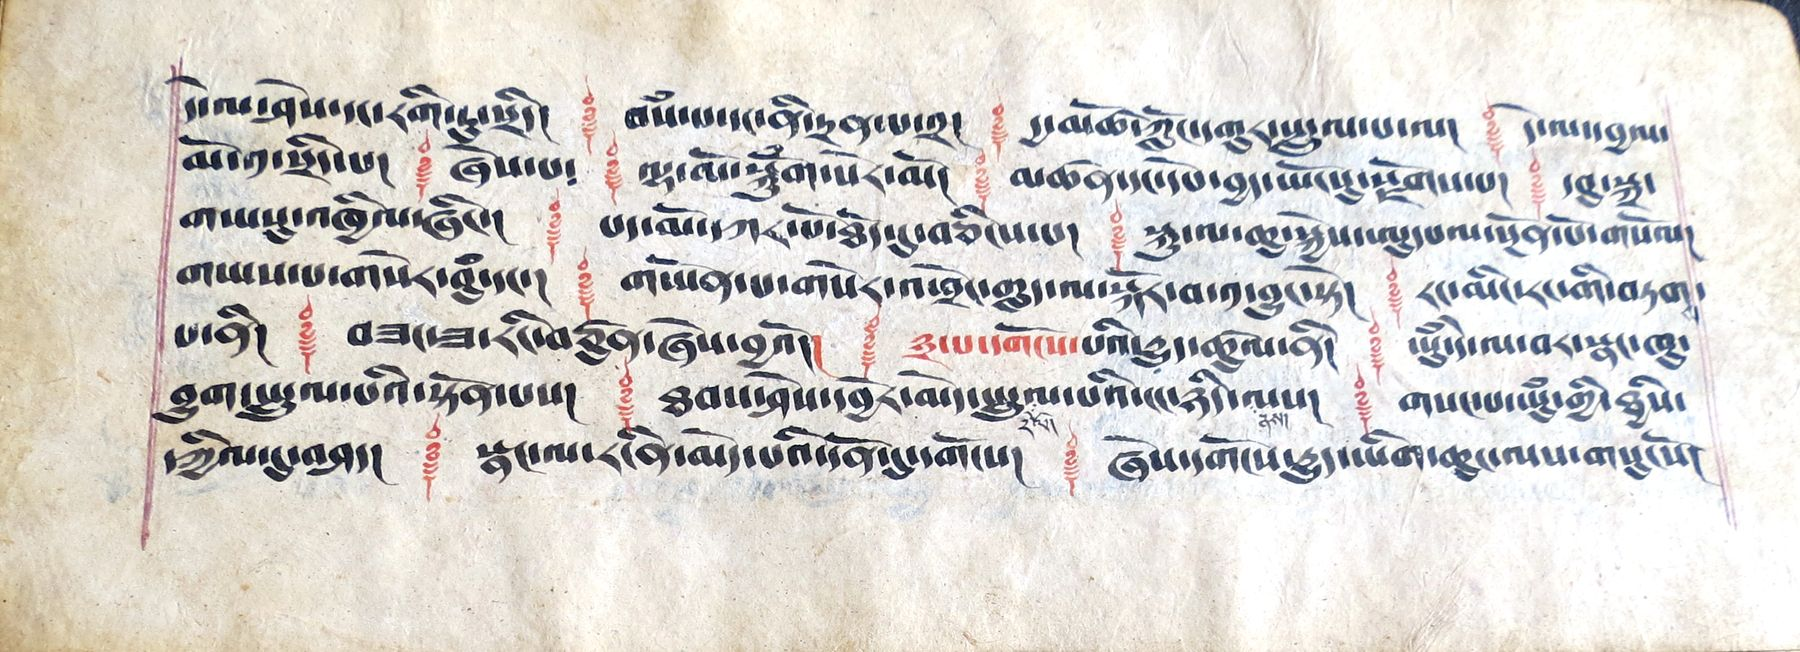དེ་ལ་ཤེས་དང་རིག་ཏུ་སྲིད། བསམ་པ་དང་ནི་དྲན་པ་གཉིས། རྒྱ་མཚོ་ཀློང་དགུར་སྤྲུལ་པ་ལས། དེ་ལ་དབྱལ་
མོ་གཅིག་སྲིད་པ། ཞེས་པས། ལྷ་མོ་སྐུ་མདོག་སེར་མོ། མཚན་དང་དཔེ་བྱད་ཡོངས་སུ་རྫོགས་པ། དབུ་སྐྲ་
གཡས་སུ་འཁྱིལ་ཞིང་པདྨ་དཀར་པོ་ཐོད་དུ་བཅིངས་པ། སྐུ་ལ་ཆུ་སྐྱེས་ཨུད་དཔལ་སྔོན་པོ་གསོལ། 
གཡས་པས་གསེར་བུམ་དང་། གཡོན་པས་གསེར་འཕྲེང་ཀླད་ལ་བསྐོར་བ་ཞིག་བྱུང་སྟེ། རང་མིང་རང་གིས་བཏགས་
པ་ནི། བཟང་བཟའ་རིང་བཙུན་ཞེས་བྱའོ། ། གསུམ་པ་དགོངས་པའི་བརྒྱུད་ཚུལ་ནི། ཡུམ་དེ་ལ། བར་སྣང་ཁུ་
བྱུག་སྤྲུལ་པའི་སྟོན་པས། ཐབས་ཤེས་དབྱེར་མེད་རོལ་པའི་ངང་ཉིད་ནས། གསང་བ་ཡུམ་གྱི་ཐུགས་ཀྱི་
དཀྱིལ་དུ་བཤད། སྣང་ལ་རང་བཞིན་མེད་པའི་དོན་དུ་དགོངས། ཞེས་དགོངས་རྒྱུད་ཡིག་ཆུང་ལས་གསུངས་སོ། །